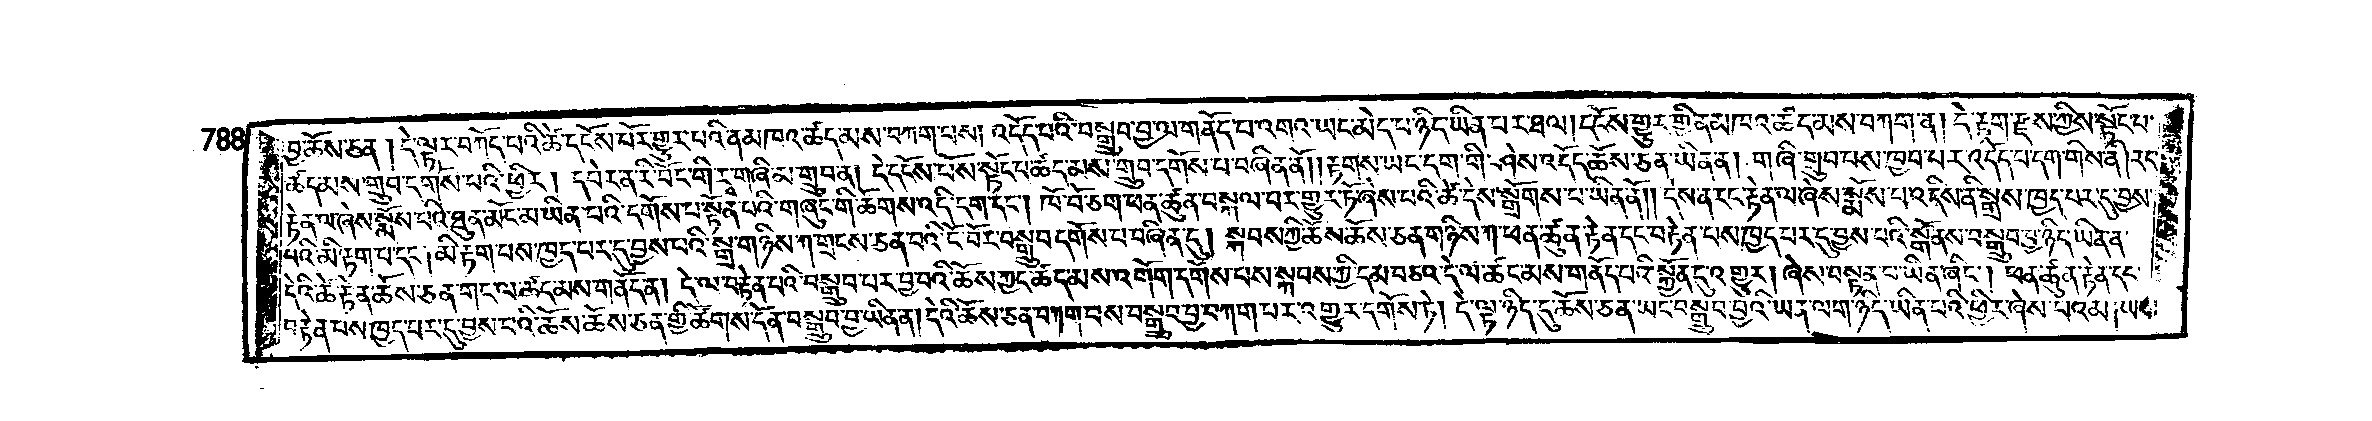བྱ་ཆོས་ཅན། དེ་ལྟར་བཀོད་པའི་ཚེ་དངོས་པོར་གྱུར་བའི་ནམ་མཁའ་ཚད་མས་བཀག་པས། འདོད་པའི་བསྒྲུབ་བྱ་ལ་གནོད་པ་འགའ་ཡང་མེད་པ་ཉིད་ཡིན་པར་ཐལ། དངོས་གྱུར་གྱི་ནམ་མཁའ་ཚད་མས་བཀག་ན། དེ་རྟག་རྫས་ཀྱིས་སྟོང་བ་
ཚད་མས་གྲུབ་དགོས་པའི་ཕྱིར། དཔེར་ན་རི་བོང་གི་རVཨ་གཞི་མ་གྲུབ་ན། དེ་དངོས་པོས་སྟོང་བ་ཚད་མས་གྲུབ་དགོས་པ་བཞིན་ནོ། །རྟགས་ཡང་དག་གི་ཤེས་འདོད་ཆོས་ཅན་ཡིན་ན། གཞི་གྲུབ་པས་ཁྱབ་པར་འདོད་པ་དག་གིས་ནི། རང་
རྟེན་ལ་ཞེས་སྨོས་པའི་ཐུན་མོང་མ་ཡིན་པའི་དགོས་པ་སྟོན་པའི་གཞུང་གི་ཚོགས་འདི་དག་དང་། ཁོ་བོ་ཅག་ཕན་ཚུན་བསྐལ་བར་གྱུར་ཏོ་ཞེས་པའི་ཚེ་དེས་སྒྲོགས་པ་ཡིན་ནོ། །དེས་ན་རང་རྟེན་ལ་ཞེས་སྨོས་པ་འདིས་ནི་སྒྲས་ཁྱད་པར་དུ་བྱས་
པའི་མི་རྟག་པ་དང་། མི་རྟག་པས་ཁྱད་པར་དུ་བྱས་པའི་སྒྲ་གཉིས་ཀ་གྲངས་ཅན་པའི་ངོ་བོར་བསྒྲུབ་དགོས་པ་བཞིན་དུ། སྐབས་ཀྱི་ཆོས་ཅན་གཉིས་ཀ་ཕན་ཚུན་རྟེན་དང་བརྟེན་པས་ཁྱད་པར་དུ་བྱས་པའི་སྒོ་ནས་བསྒྲུབ་བྱ་ཉིད་ཡིན་ན་
དེའི་ཚེ་རྟེན་ཆོས་ཅན་གང་ལ་ཚད་མས་གནོད་ན། དེ་ལ་བརྟེན་པའི་བསྒྲུབ་པར་བྱ་བའི་ཆོས་ཀྱང་ཚད་མས་འགོག་དགོས་པས་སྐབས་ཀྱི་དམ་བཅའ་དེ་ལ་ཚད་མས་གནོད་པའི་སྐྱོན་དུ་འགྱུར། ཞེས་བསྟན་པ་ཡིན་ཞིང་། ཕན་ཚུན་རྟེན་དང་
བརྟེན་པས་ཁྱད་པར་དུ་བྱས་པའི་ཆོས་ཆོས་ཅན་གྱི་ཚོགས་དོན་བསྒྲུབ་བྱ་ཡིན་ན། དེའི་ཆོས་ཅན་བཀག་པས་བསྒྲུབ་བྱ་བཀག་པར་འགྱུར་དགོས་ཏེ། དེ་ལྟ་ཉིད་དུ་ཆོས་ཅན་ཡང་བསྒྲུབ་བྱའི་ཡན་ལག་ཉིད་ཡིན་པའི་ཕྱིར་ཞེས་པའམ། ཡང་